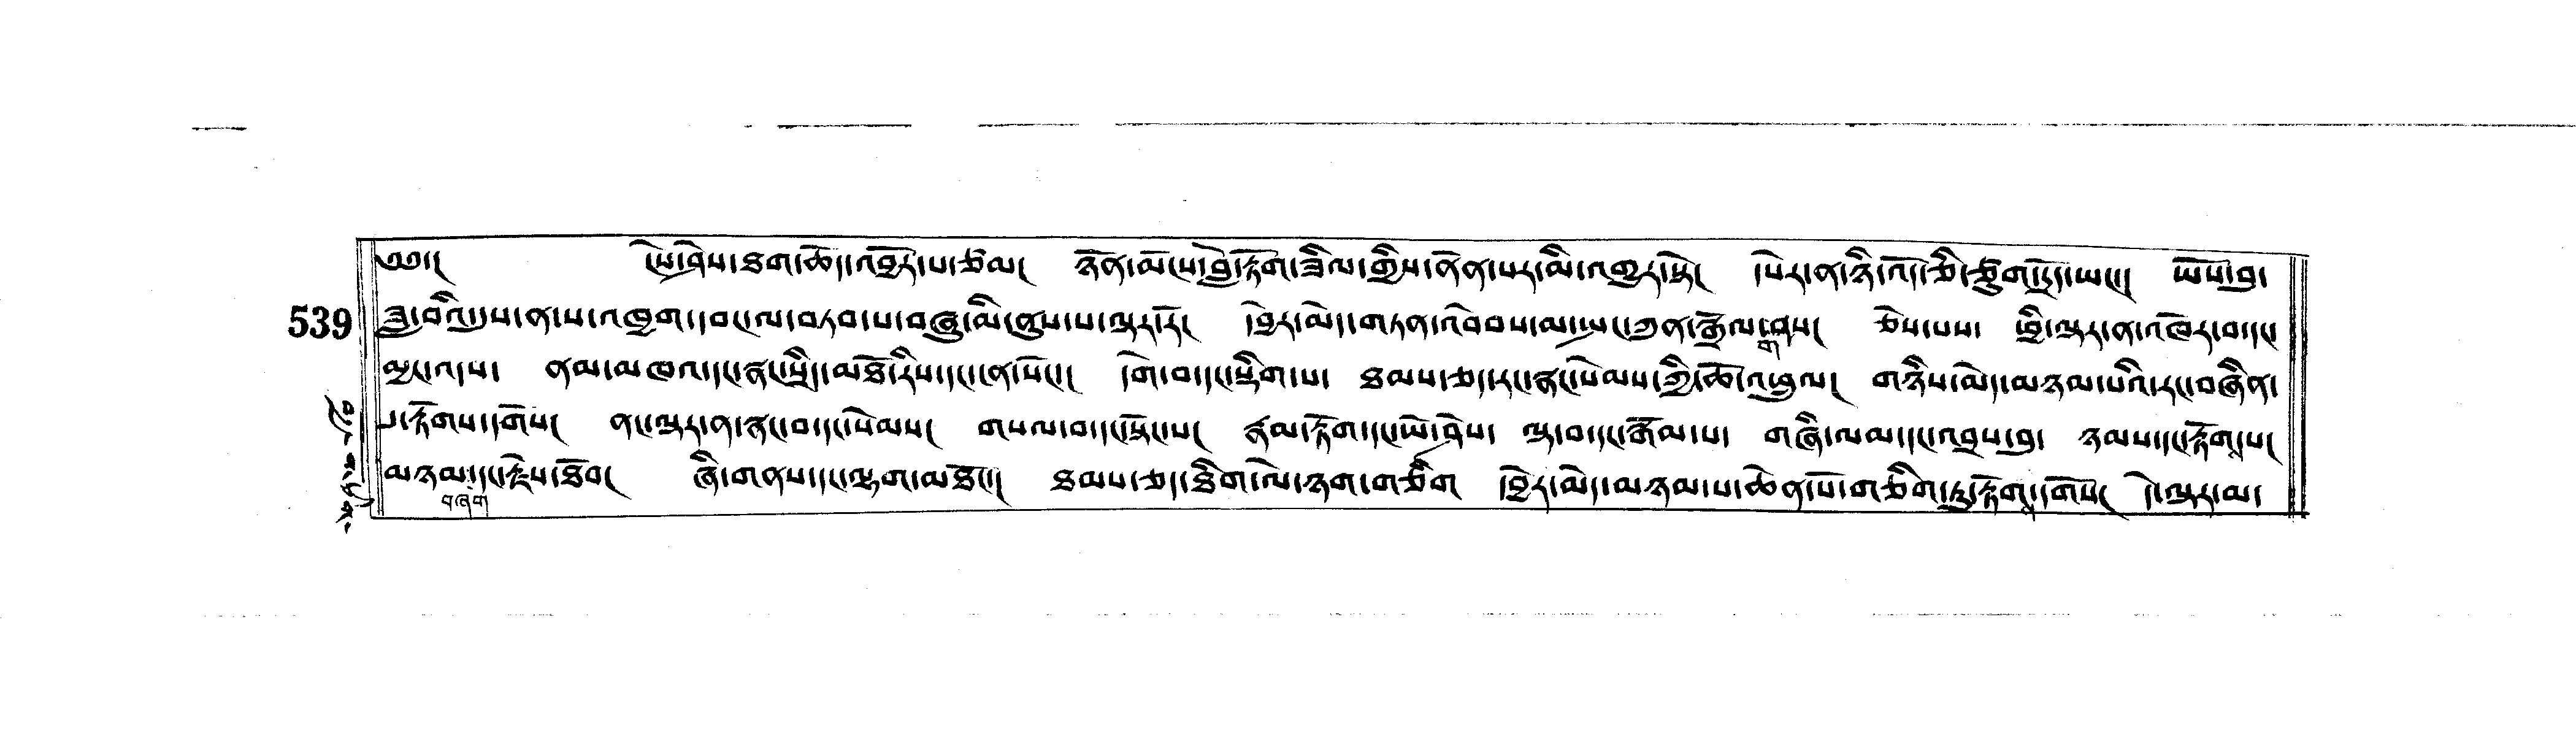ངེས་ཤེས་ཐག་ཆོད་འབྱོར་བ་ཙམ། ཉོན་མོངས་བློ་རྟོག་ཟིལ་གྱིས་ནོན་པར་མི་འགྱུར་ཏེ། དཔེར་ན་ཉི་འོད་ཅི་ཚུག་དྲོ་ཡང་། ཡོས་བུ་
ཟླ་བའི་དུས་ན་ས་འཁྱག་དབང་ལ་བཏབ་པ་བཞུ་མི་ནུས་པ་ལྟར་རོ། དབྱེར་མེད་གཏན་འབེབས་མ་སྤང་ཀུན་སྒྲོལ་གནས། ཅེས་པས། ཕྱི་ལྟར་ན་འཁོར་བ་དང་
མྱང་འདས། ནམ་མཁའ་དང་སྣང་སྲིད། མཐོ་རིས་དང་ངན་སོང་། དགེ་བ་དང་སྡིག་པ། ཐམས་ཅད་རང་སྣང་སེམས་ཀྱི་ཆོ་འཕྲུལ། གཉིས་མེད་མཉམ་པའི་རང་བཞིན་
དུ་རྟོགས་དགོས། ནང་ལྟར་ན་སྣང་བ་དང་སེམས། གསལ་བ་དང་སྟོང་པ། རྣམ་རྟོག་དང་ཡེ་ཤེས། ལྟ་བ་དང་སྒོམ་པ། གཞི་ལམ་དང་འབྲས་བུ། ཉམས་དང་རྟོགས་པ། 
མཉམ་གཞག་དང་རྗེས་ཐོབ། ཞི་གནས་དང་ལྷག་མཐོང་། ཐམས་ཅད་ཐིག་ལེ་ཉག་གཅིག དབྱེར་མེད་མཉམ་པ་ཆེན་པོ་གཅིག་ཏུ་རྟོགས་དགོས། དེ་ལྟར་མ་